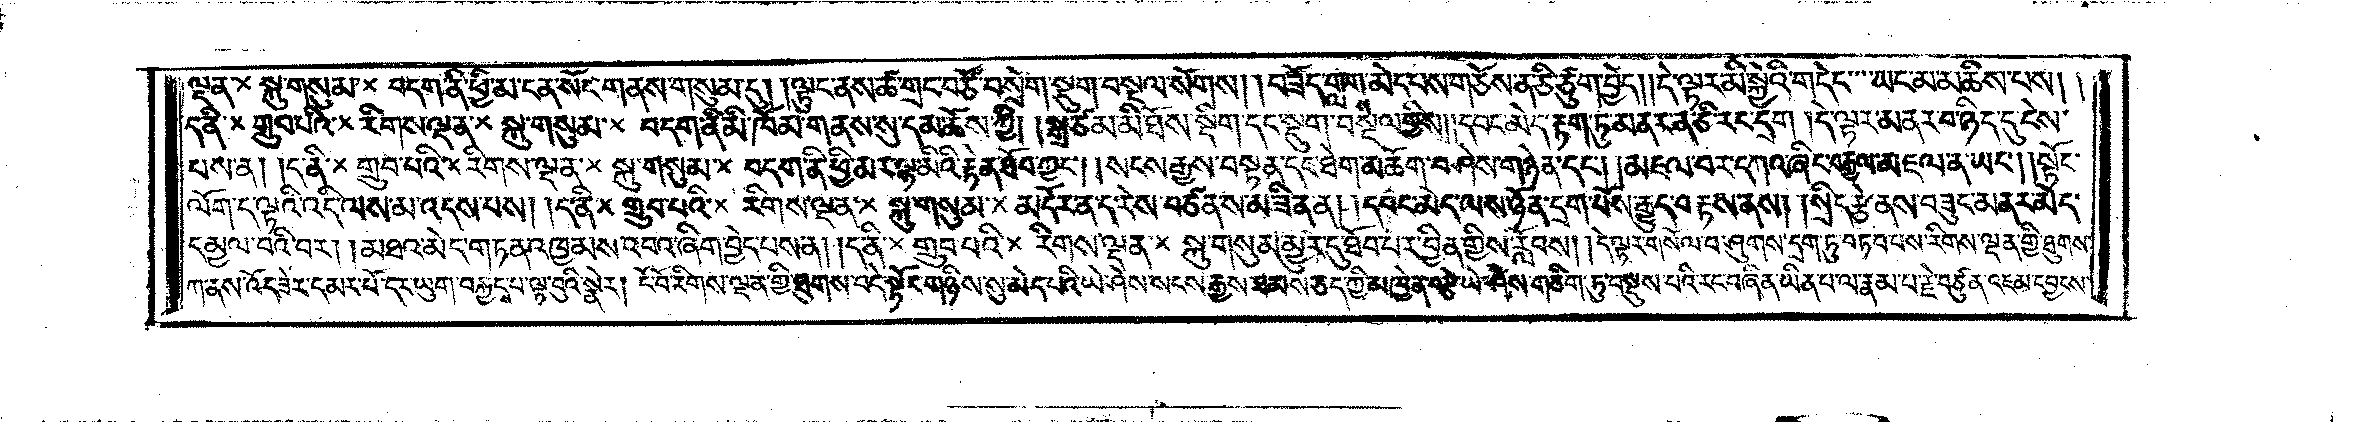ལྡན་྾་སྐུ་གསུམ་྾་བདག་ནི་ཕྱི་མ་ངན་སོང་གནས་གསུམ་དུ། །ལྟུང་ནས་ཚ་གྲང་བརྩོ་བསྲེག་སྡུག་བསྣལ་སོགས། །བཟོད་གླགས་མེད་པས་གཅོས་ན་ཅི་ཙུག་བྱེད། །དེ་ལྟར་མི་སྐྱེའི་གདེང་ཡང་མ་མཆིས་པས། །
ད་ནི་྾་གྲུབ་པའི་྾་རིགས་ལྡན་྾་སྐུ་གསུམ་྾་བདག་ནི་མི་ཁོམ་གནས་སུ་དམ་ཆོས་ཀྱི། །སྒྲ་ཙམ་མི་ཐོས་སྡིག་དང་སྡུག་བསྔལ་གྱིས། །དབང་མེད་རྟག་ཏུ་མནར་ན་ཅི་རང་དྲག །དེ་ལྟར་མནར་བ་ཉིད་དུ་ངེས་
པས་ན། །ད་ནི་྾་གྲུབ་པའི་྾་རིགས་ལྡན་྾་སྐུ་གསུམ་྾་བདག་ནི་ཕྱི་མར་ལྷ་མའི་རྟེན་ཐོབ་ཀྱང་། །སངས་རྒྱས་བསྟན་དང་ཐེག་མཆོག་བཤེས་གཉེན་དང་། །མཇལ་བར་དཀའ་ཞིང་བརྒྱལ་མཇལ་ན་ཡང་། །སྟོང་
ལོག་ད་ལྟའི་འདི་ལས་མ་འདས་པས། །ད་ནི་྾་གྲུབ་པའི་྾་རིགས་ལྡན་྾་སྐུ་གསུམ་྾་མདོར་ན་ད་རེས་བཙན་ས་མ་ཟིན་ན། །དབང་མེད་ལས་ཉོན་དྲག་པོས་རྒྱུད་བརྟས་ནས། །སྲིད་རྩེ་ནས་བཟུང་མནར་མེད་
དམྱལ་བའི་བར། །མཐའ་མེད་གཏན་འཁྱམས་འབའ་ཞིག་བྱེད་པས་ན། །ད་ནི་྾་གྲུབ་པའི་྾་རིགས་ལྡན་྾་སྐུ་གསུམ་མྱུར་དུ་ཐོབ་པར་བྱིན་གྱིས་རློབས། །དེ་ལྟར་གསོལ་བ་ཤུགས་དྲག་ཏུ་བཏབ་པས་རིགས་ལྡན་གྱི་ཐུགས་
ཀ་ནས་འོད་ཟེར་དམར་པོ་དར་ཡུག་བརྐྱངས་པ་ལྟ་བུའི་སྣེར། ངོ་བོ་རིགས་ལྡན་གྱི་ཐུགས་བདེ་སྟོང་གཉིས་སུ་མེད་པའི་ཡེ་ཤེས་སངས་རྒྱས་ཐམས་ཅད་ཀྱི་མཁྱེན་བརྩེ་ཡེ་ཤེས་གཅིག་ཏུ་བསྡུས་པའི་རང་བཞིན་ཡིན་པ་ལ་རྣམ་པ་རྗེས་བཙུན་འཇམ་དབྱངས་